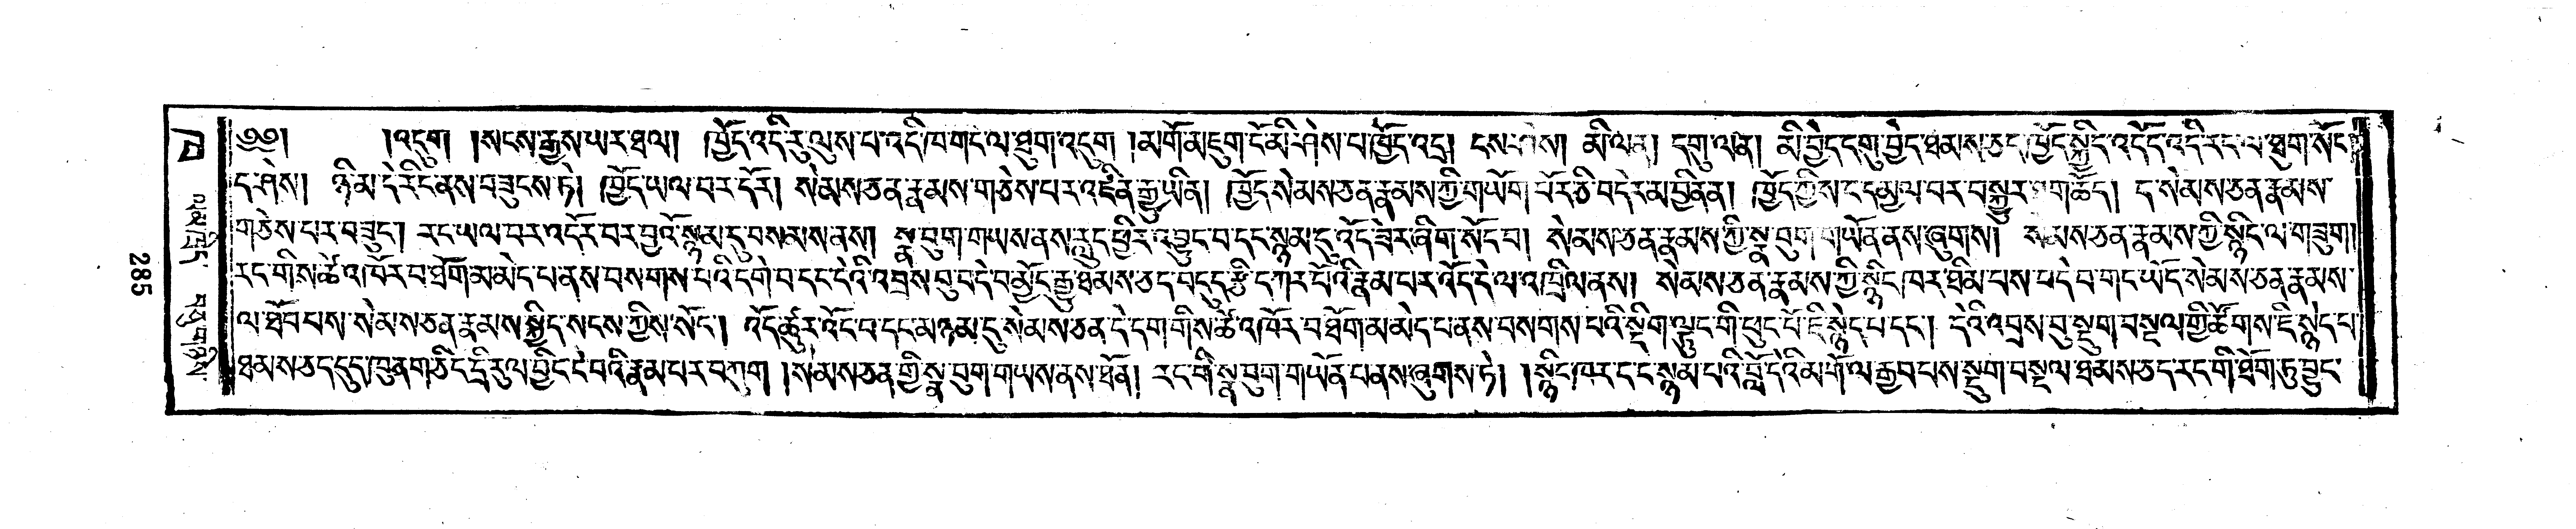༄༅། །འདུག །སངས་རྒྱས་ཡར་ཐལ། ཁྱོད་འདི་རུ་ལུས་པ་འདི་ཁ་གང་ལ་ཐུག་འདུག །མགོ་མཇུག་ངོ་མི་ཤེས་པ་ཁྱོད་འདྲ། ངས་ཤེས། མི་ལན། དགུ་ལན། མི་བྱེད་དགུ་བྱེད་ཐམས་ཅད་ཁྱོད་སྐྱིད་འདོད་འདི་རང་ལ་ཐུག་སོང་
ད་ཤེས། ཉི་མ་དེ་རིང་ནས་བཟུངས་ཏེ། ཁྱོད་ཡལ་བར་དོར། སེམས་ཅན་རྣམས་གཅེས་པར་འཛིན་རྒྱུ་ཡིན། ཁྱོད་སེམས་ཅན་རྣམས་ཀྱི་གཡོག་པོར་ཅི་བདེར་མ་བྱིན་ན། ཁྱོད་ཀྱིས་ང་དམྱལ་བར་བསྐྱུར་ཐག་ཆོད། ད་སེམས་ཅན་རྣམས་
གཅེས་པར་བཟུང་། རང་ཡལ་བར་འདོར་བར་བྱའོ་སྙམ་དུ་བསམས་ནས། སྣ་བུག་གཡས་ནས་རླུང་ཕྱིར་འབྱུང་བ་དང་སྙམ་དུ་འོད་ཟེར་ཞིག་སོང་བ། སེམས་ཅན་རྣམས་ཀྱི་སྣ་བུག་གཡོན་ནས་ཞུགས། སེམས་ཅན་རྣམས་ཀྱི་སྙིང་ལ་གཟུགས།
རང་གིས་ཚེ་འཁོར་བ་ཐོག་མ་མེད་པ་ནས་བསགས་པའི་དགེ་བ་དང་དེའི་འབྲས་བུ་བདེ་བ་མྱོང་རྒྱུ་ཐམས་ཅད་བདུད་རྩི་དཀར་པོའི་རྣམ་པར་འོད་དེ་ལ་འཁྲིལ་ནས། སེམས་ཅན་རྣམས་ཀྱི་སྙིང་ཁར་ཐིམ་པས་བདེ་བ་གང་ཡོད་སེམས་ཅན་རྣམས་
ལ་ཐོབ་པས་སེམས་ཅན་རྣམས་སྐྱིད་སངས་ཀྱིས་སོང་། འོད་ཚུར་འོང་བ་དང་མཉམ་དུ་སེམས་ཅན་དེ་དག་གིས་ཚེ་འཁོར་བ་ཐོག་མ་མེད་པ་ནས་བསགས་པའི་སྡིག་ལྟུང་གི་ཕུང་པོ་ཇི་སྙེད་པ་དང་། དེའི་འབྲས་བུ་སྡུག་བསྔལ་གྱི་ཚོགས་ཇི་སྙེད་པ་
ཐམས་ཅད་དུད་ཁུ་ནག་ཅིང་དྲི་རུལ་བྱིང་ང་བའི་རྣམ་པར་བཀུག །སེམས་ཅན་གྱི་སྣ་བུག་གཡས་ནས་ཐོན། རང་གི་སྣ་བུག་གཡོན་པ་ནས་ཞུགས་ཏེ། །སྙིང་ཁར་ང་ང་སྣམ་པའི་བློ་དེའི་མགོ་ལ་རྒྱབ་པས་སྡུག་བསྔལ་ཐམས་ཅད་རང་གི་ཐོག་ཏུ་བྱུང་